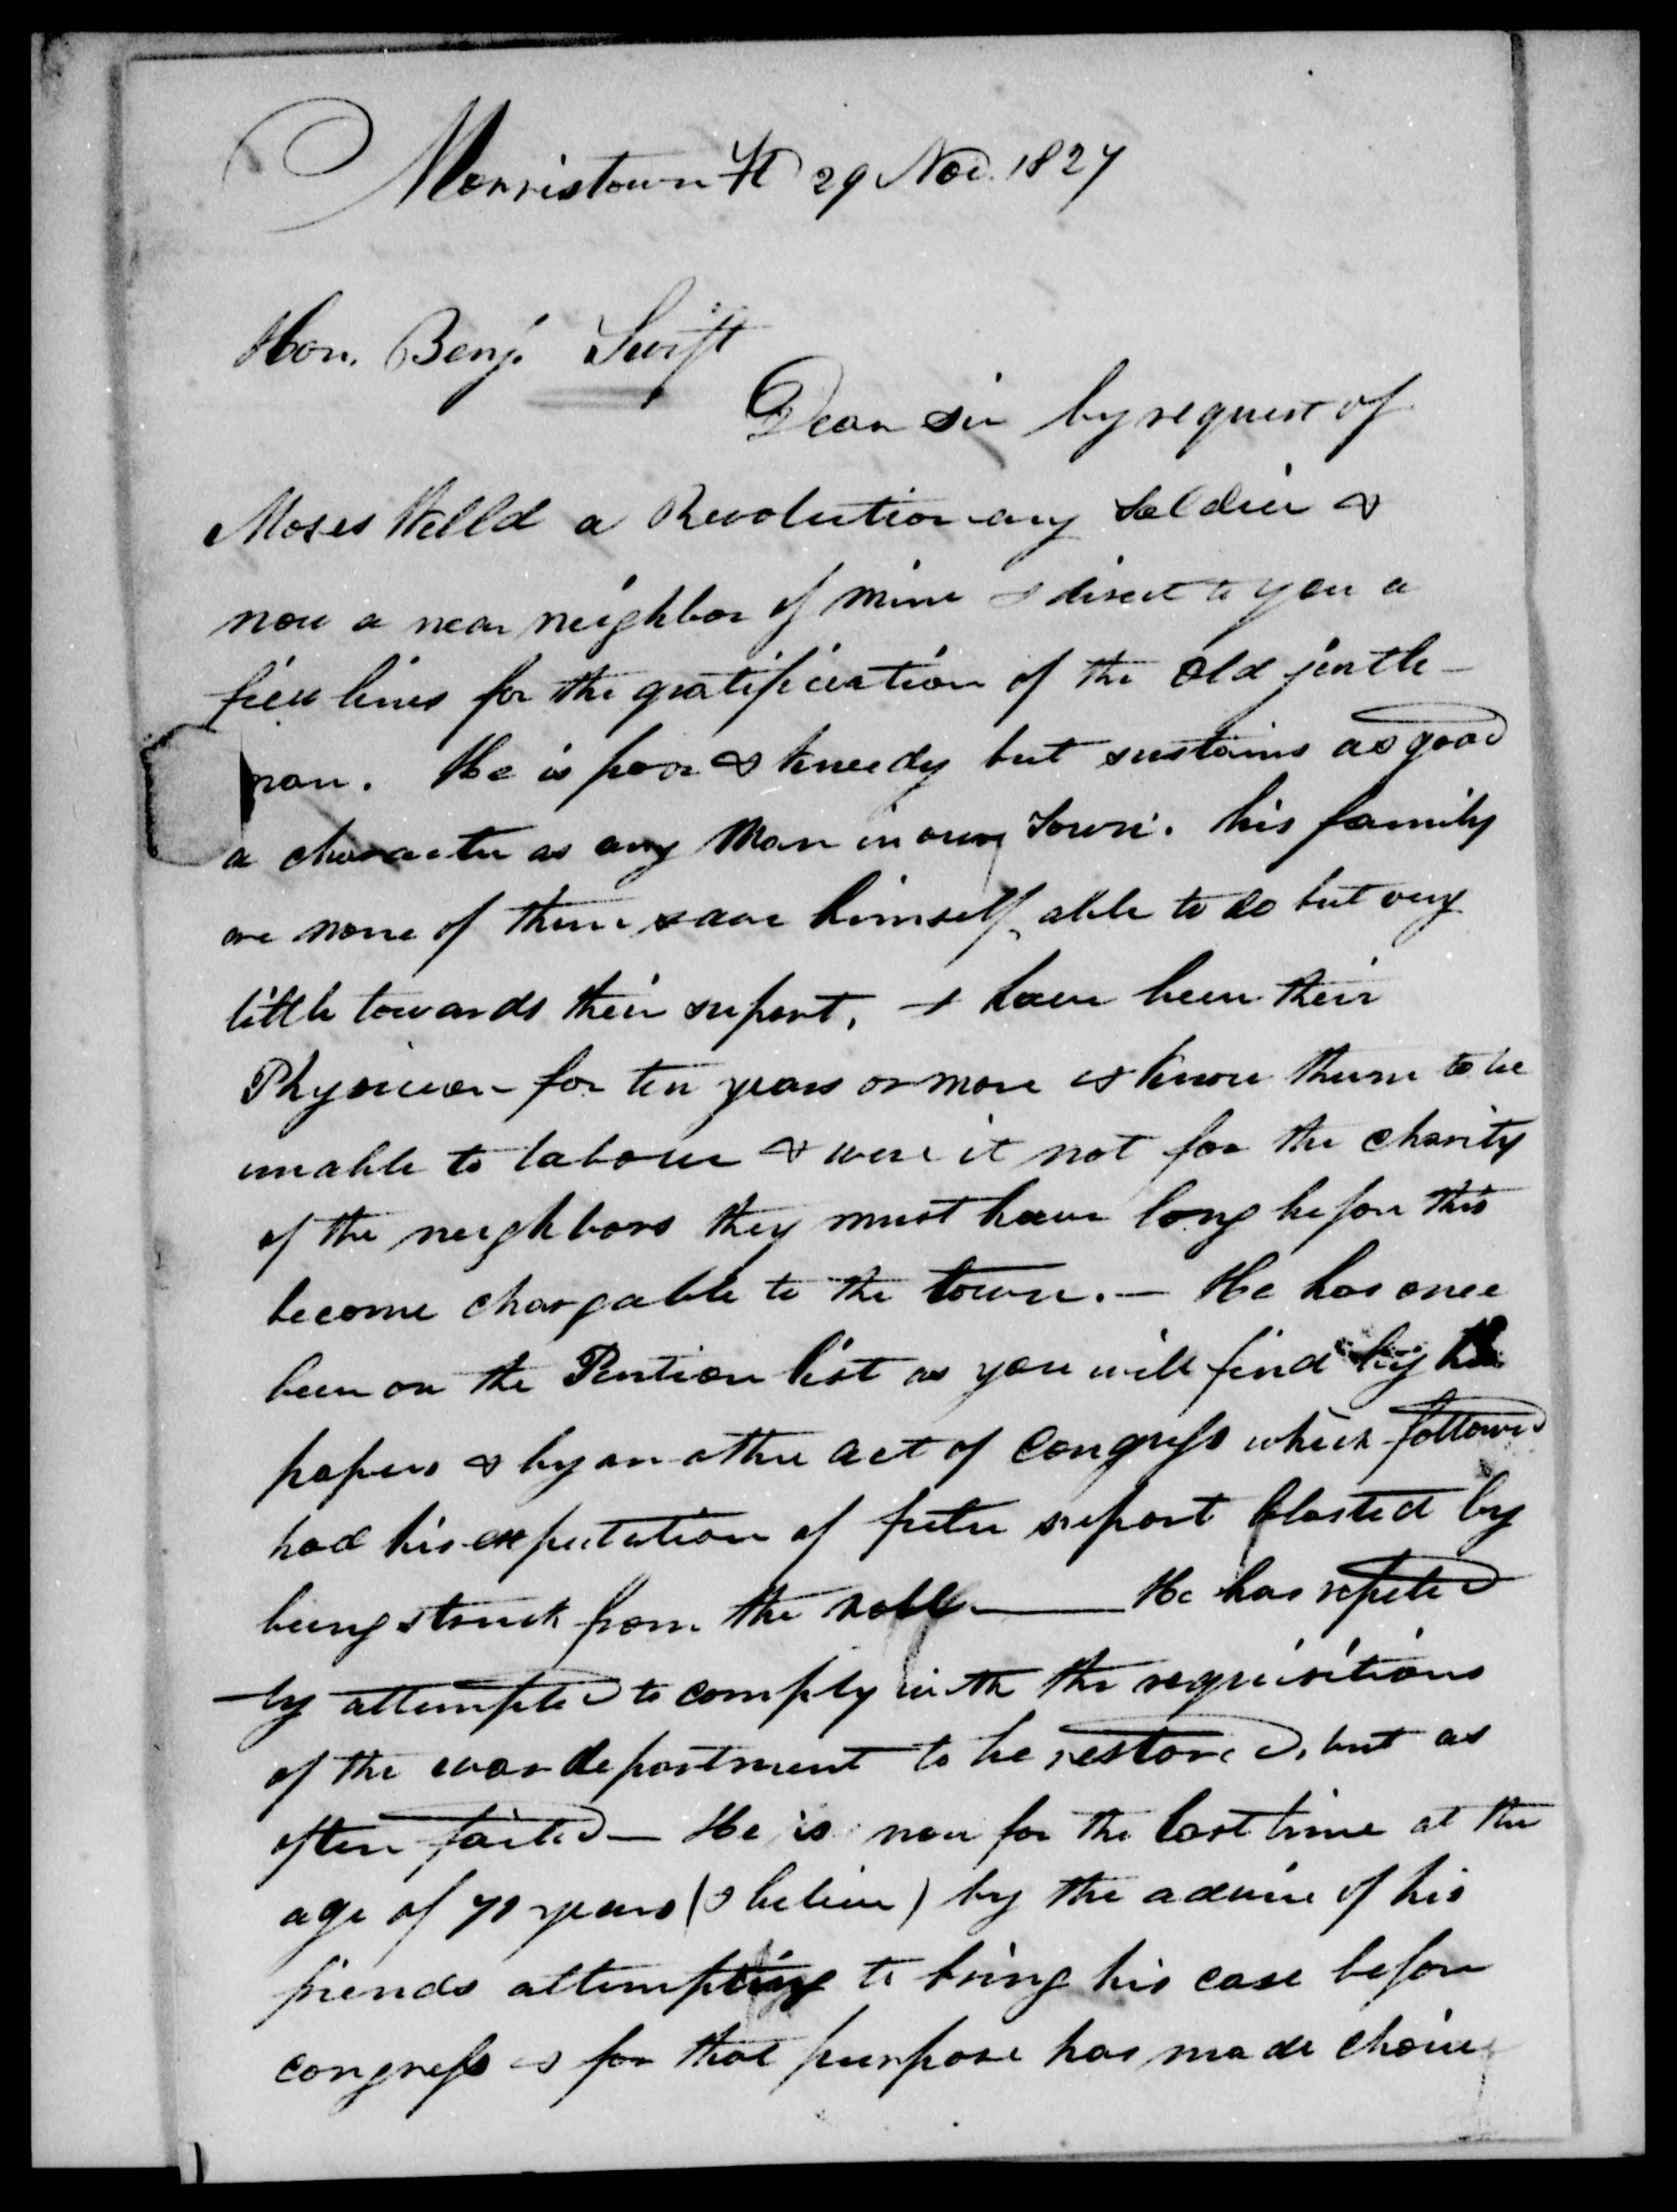W
Morristown to 29 Nov. 1827
Hon. Benj. Swift
Dear sir by request of Moses Weld a Revolutionary Soldier & now a near neighbor of mine I direct to you a
few lines for the gratification of the old gentleman.  He is poor & needy but sustains as good a character as any man in our Town. his family are none of them save himself, able to do but very little towards their support. I have been their Physician for ten years or more & know them to be unable to labour & were it not for the charity  of the neighbors they must have long before this become chargable to the town. He has once been on the Pension list as you will find [?] [?] papers & by an other act of Congress which followed had his expectation of future[?] support blasted by being struck from the roll -- He has repeatedly attempted to comply with the requisitions
of the war department to be restored, but as
often failed. He is now for the last time at the
age of 70 years (I believe) by the admire[?] of his friends attempting to bring his case before
congress & for that purpose has made choice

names: Benj Swift, Moses Welld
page: 51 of 87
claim: widow's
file: W. 25,966, Moses Weld, Mass.